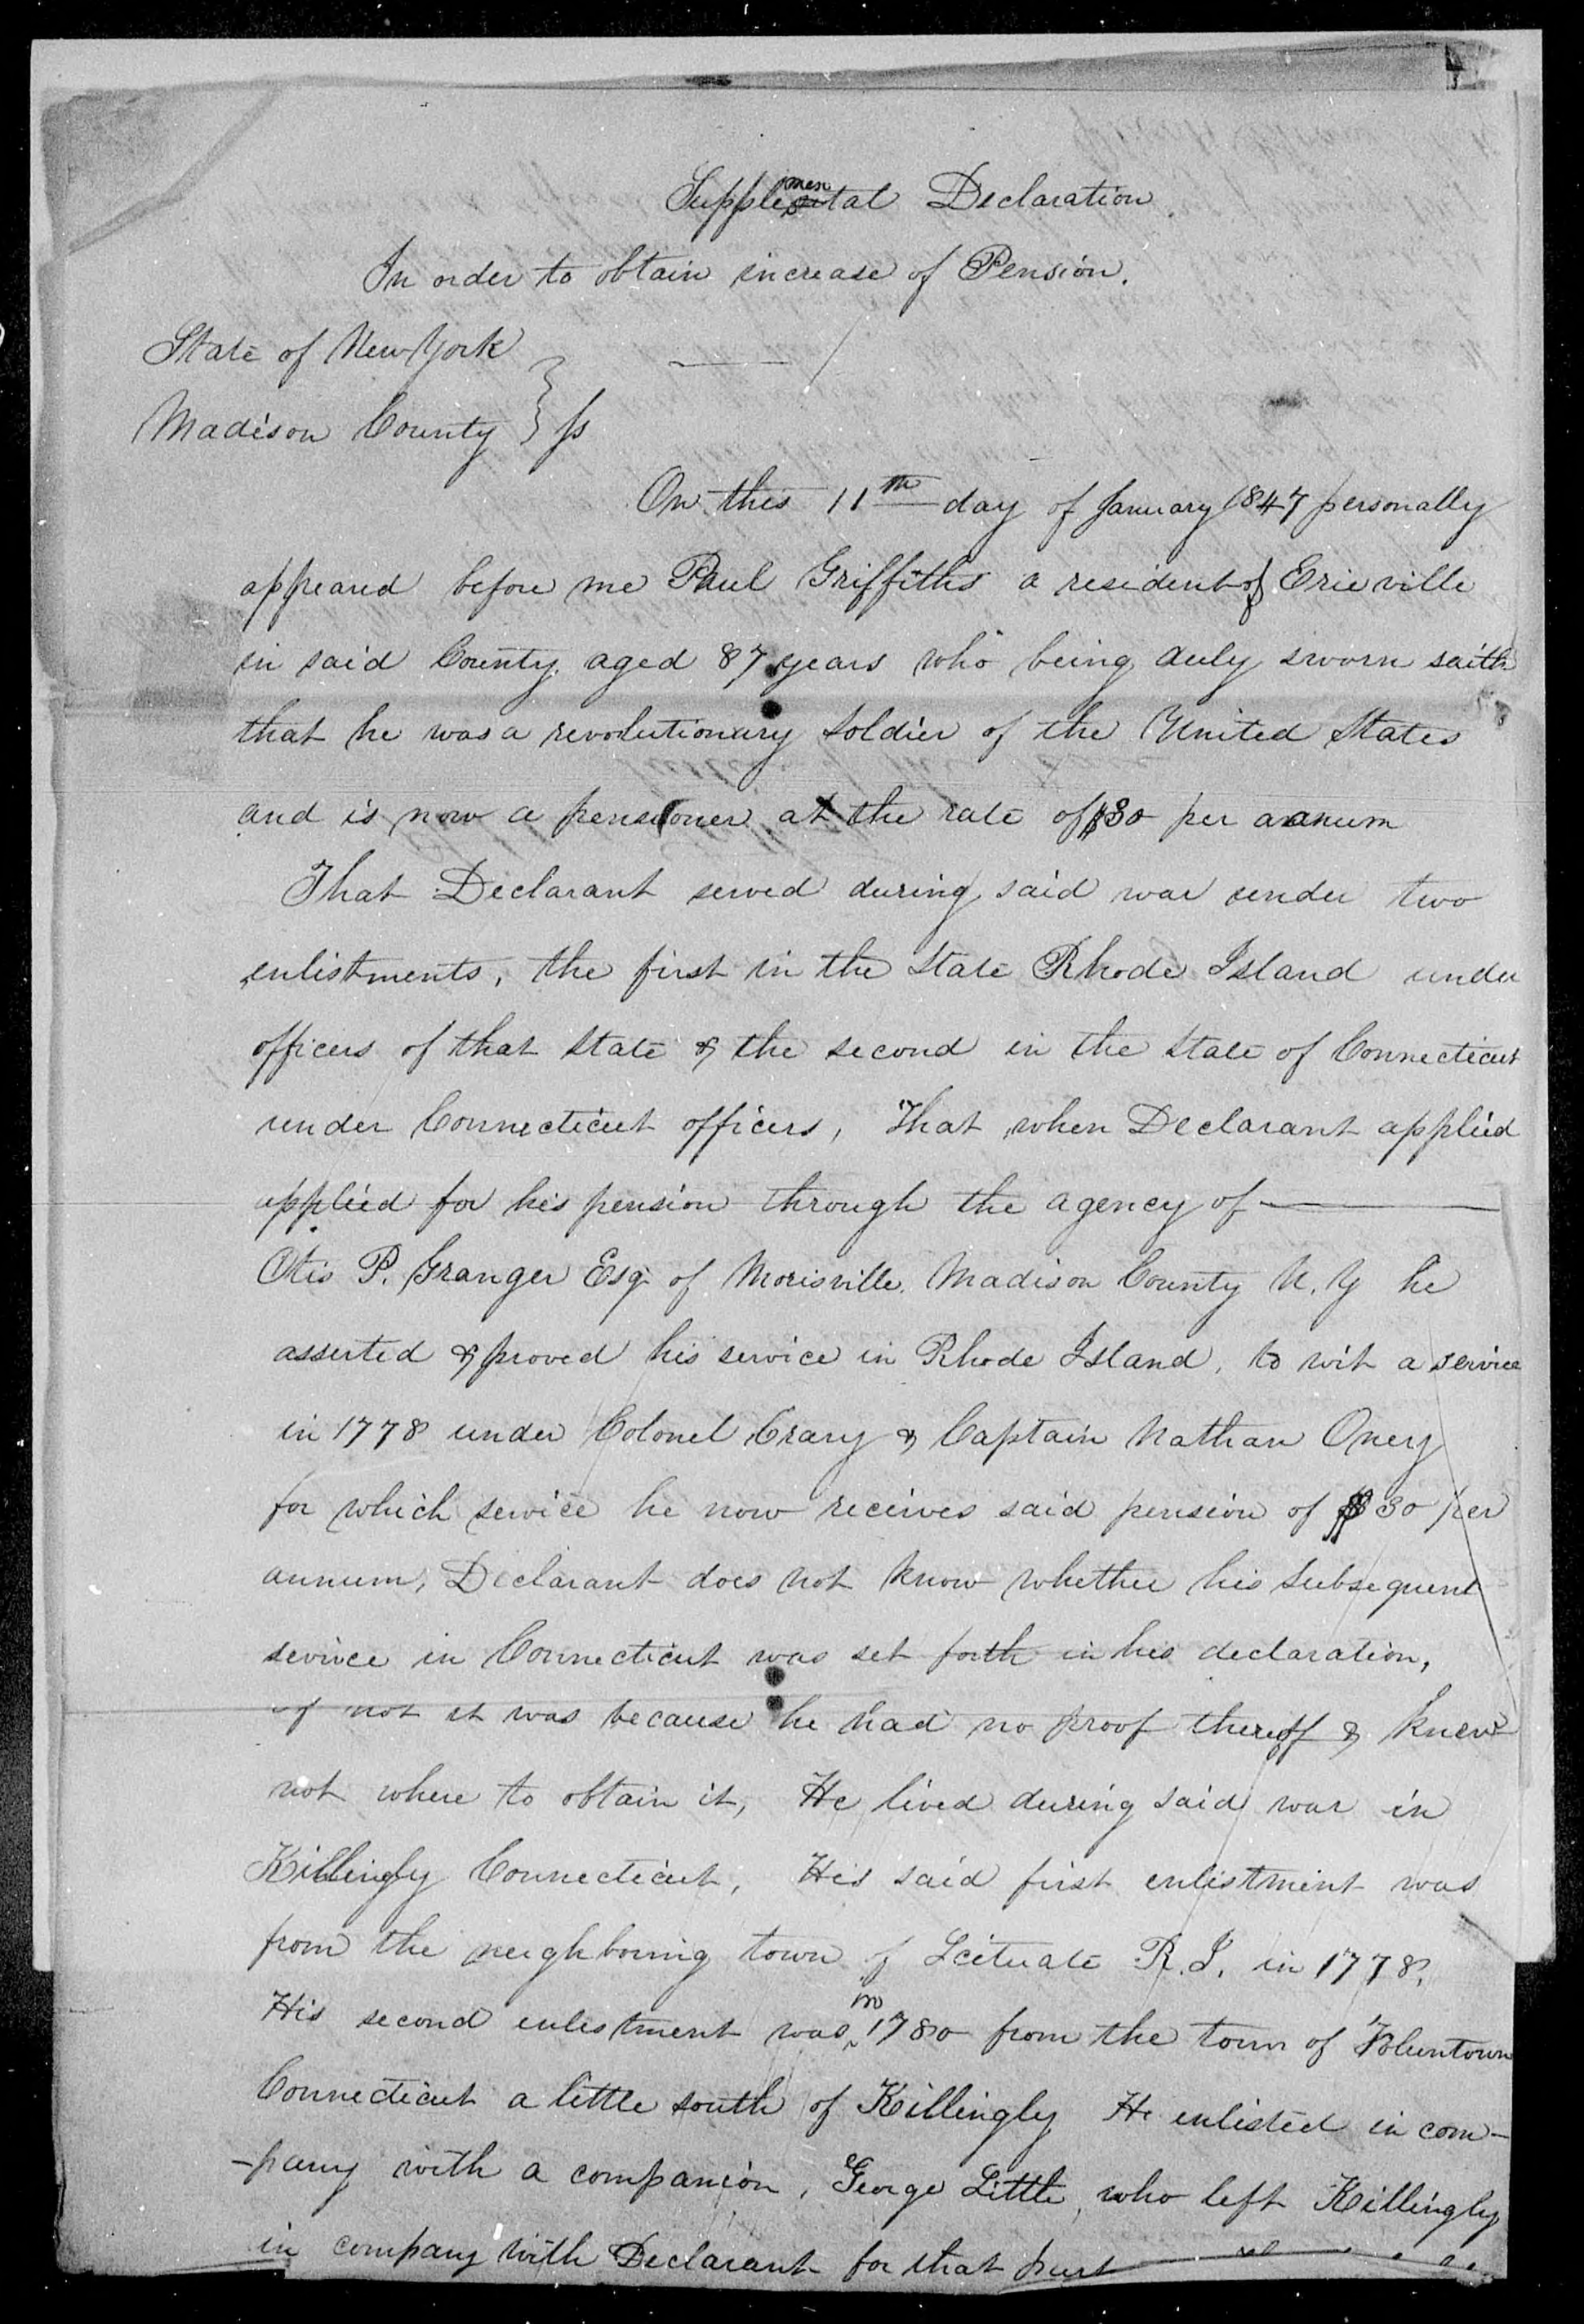Supplemental Declaration
In order to obtain increase of Pension.
State of New York, Madison County ss.

On this 11th day of January 1947, personally appeared before me Paul Griffiths, a resident of Erieville in said County, aged 87 years, who being duly sworn saith that he was a revolutionary soldier of the United States and is now a pensioner at the rate of $30 per annum

That Declarant served during said war under two enlistments, the first in the State Rhode Island under officers of that State & the second, in the State of Connecticut under Connecticut officers. That when Declarant applied for his pension through the agency of Otis P. Granger Esq. of Morisville, Madison County, N.Y., he asserted & proved his service in Rhode Island, to wit a service in 1778 under Colonel Crary & Captain Nathan Olney for which service he now receives said pension of $30 per annum, Declarant does not know whether his subsequent service in Connecticut was set forth in his declaration, if not it was because he had no proof thereof & knew not where to obtain it. He lived during said war in Killingly, Connecticut. His said first enlistment was from the neighboring town of Scituate, R.I. in 1778. His second enlistment was in 1780, from the town of Truntown, Connecticut, a little south of Killingly. He enlisted in company with a companion, George Little, who left Killingly in company with Declarant for that pur[page folded over]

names: Crary, Paul Griffiths, Nathan Oney, George Little, Otis P Granger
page: 54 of 61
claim: survivor's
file: S. 22798, Paul Griffiths, R.I.